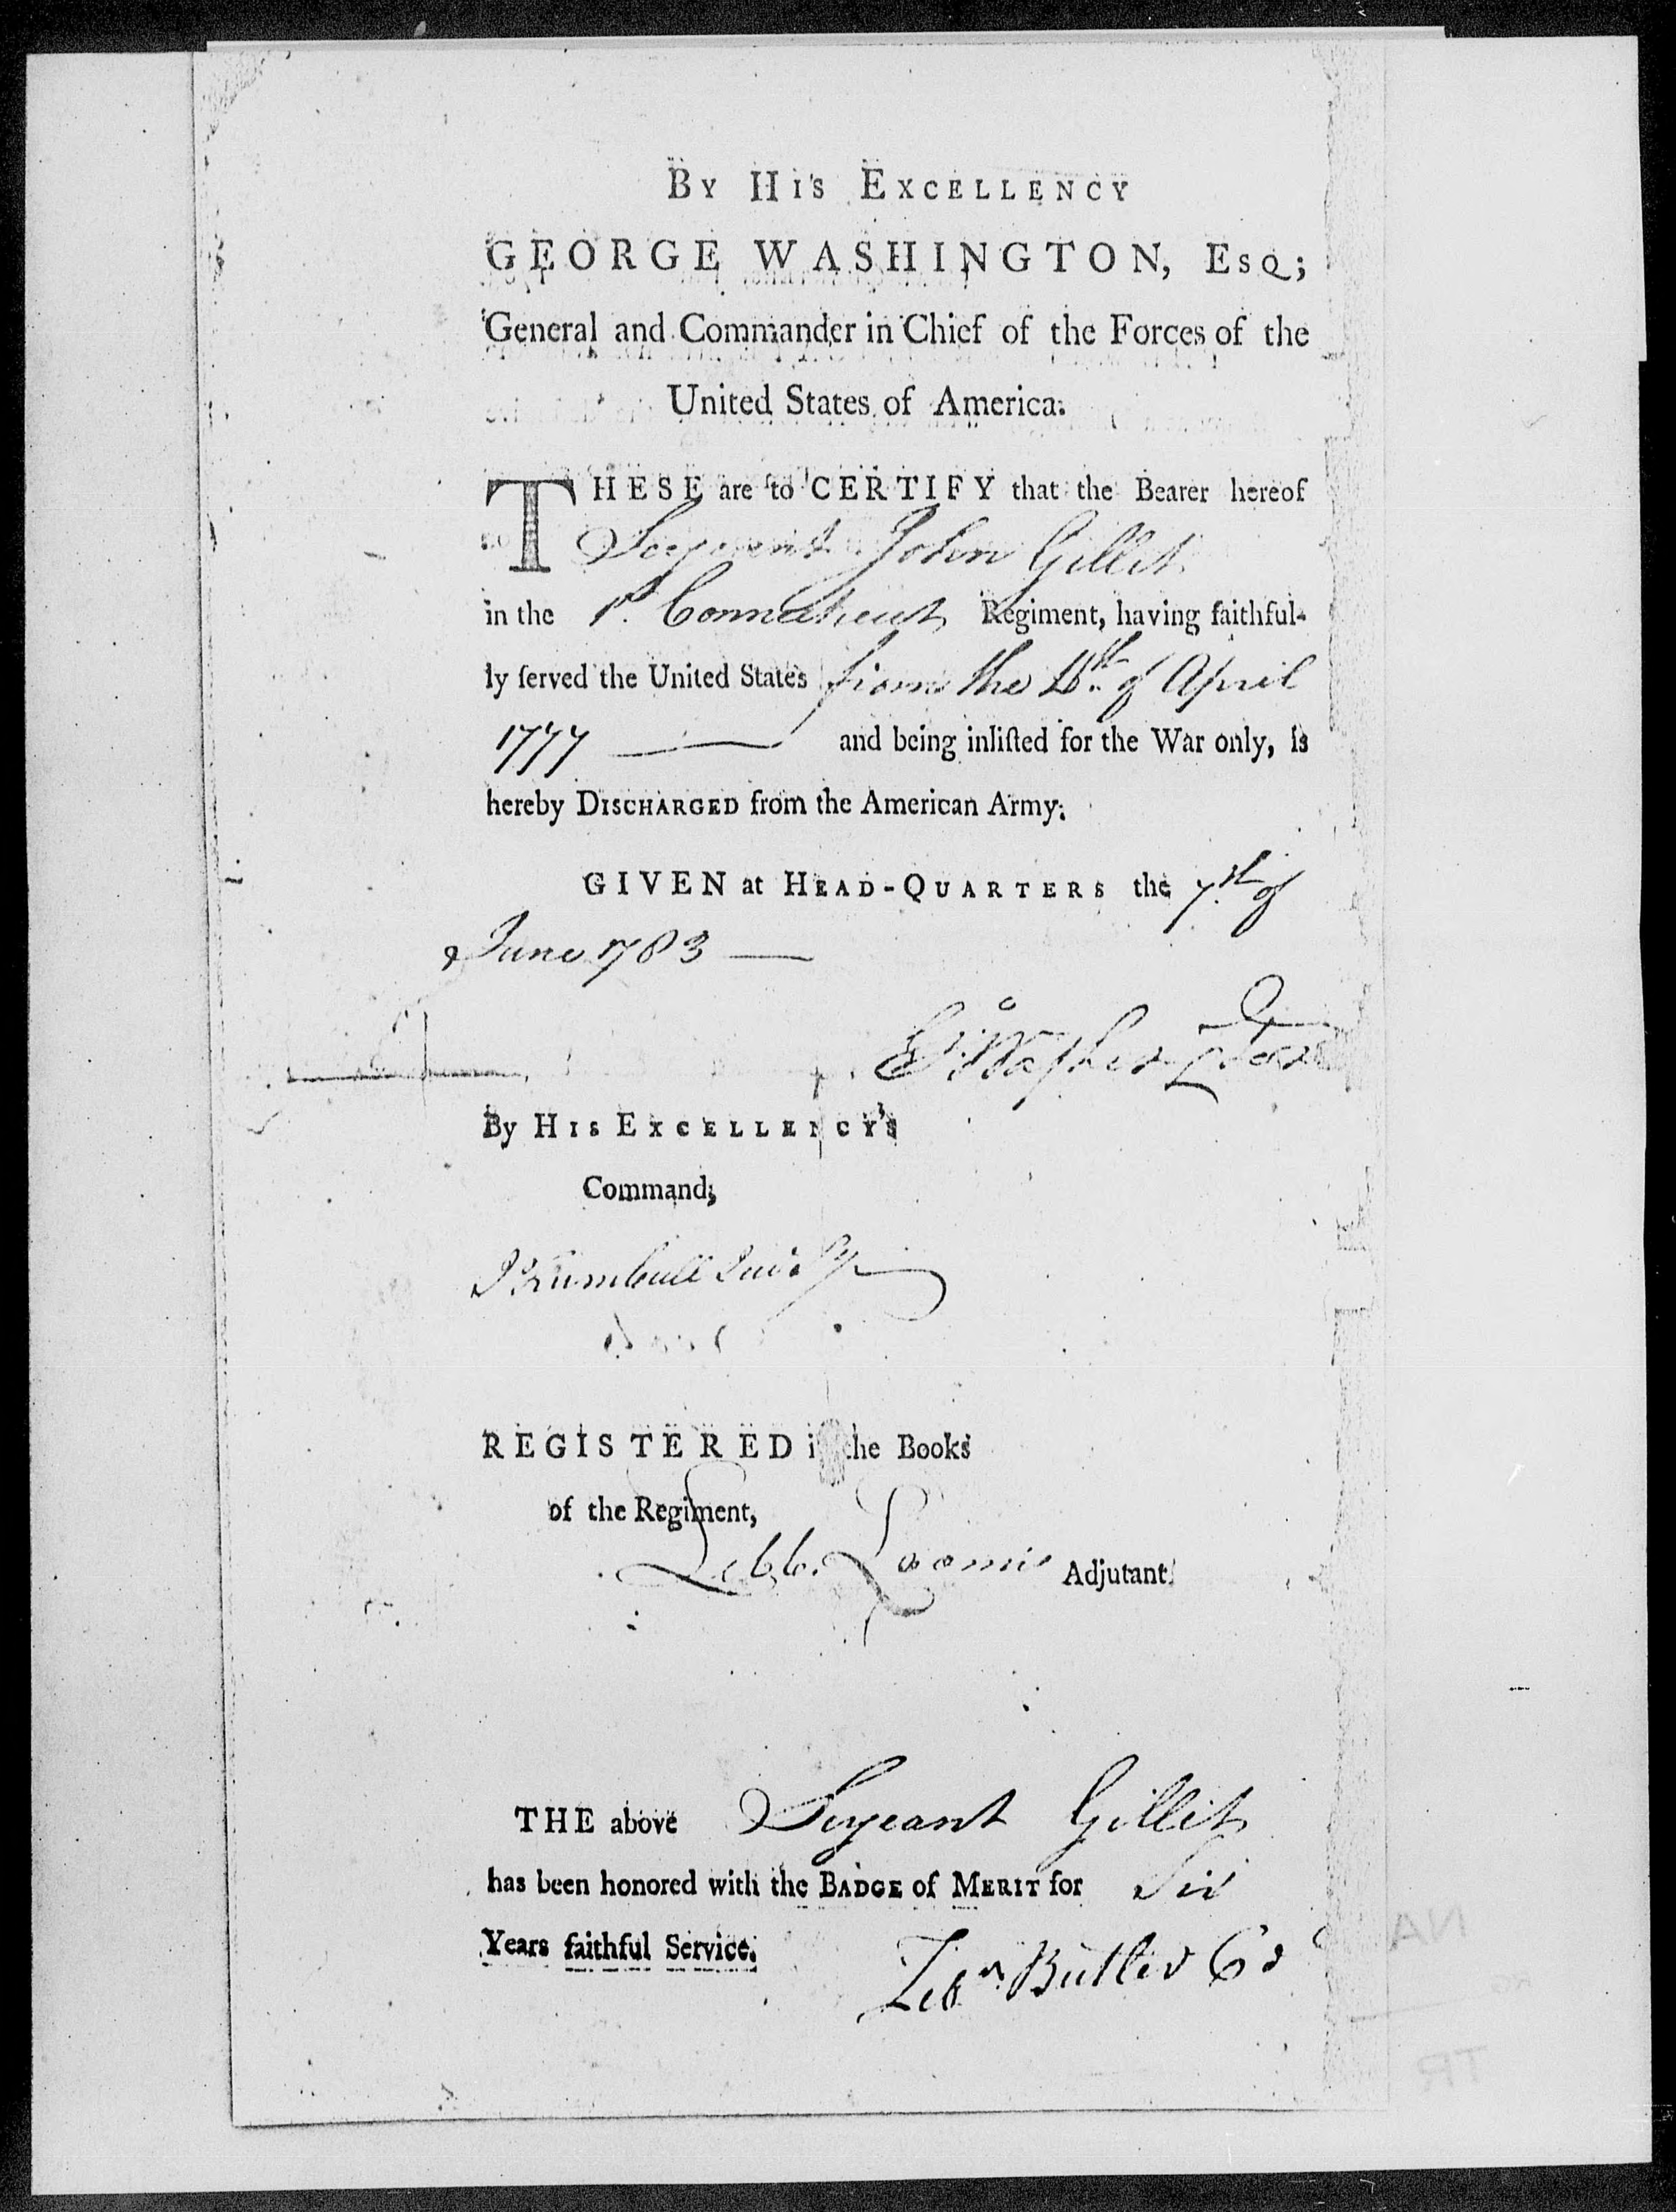By His Excellency
              GEORGE WASHINGTON, Esq;
General and Commander in Chief of the Forces of the
       United States of America.

THESE are to CERTIFY that the Bearer hereof
    Sergeant John Gillet
in the  1st Connecticut Regiment, having faithful-
ly served the United States from the 26th of April
1777 - and being inlisted for the War only, is
hereby DISCHARGED from the American Army.
    GIVEN at HEAD QUARTERS the 7th of
June 1783 -
   [Signed]  Geo. Washington

By HIS EXCELLENCY'S
   Command,
[Signed]  J. Trumbull Secretary
    [illegible]

REGISTERED in the Books
     of the Regiment,
   Lebb Loomis Adjutant

 THE above Sergeant Gillet
has been honored with the BADGE of MERIT for Six
Years faithful Service.
  [Signed] Zebn, Butler Co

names: Lebb Loomis, J Trumbull, Zebn Butler, Gillit, John Gillit, Go Washington, George Washington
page: 16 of 40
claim: survivor's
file: S. 36,537 And R. 4034, John Gillet, Conn.